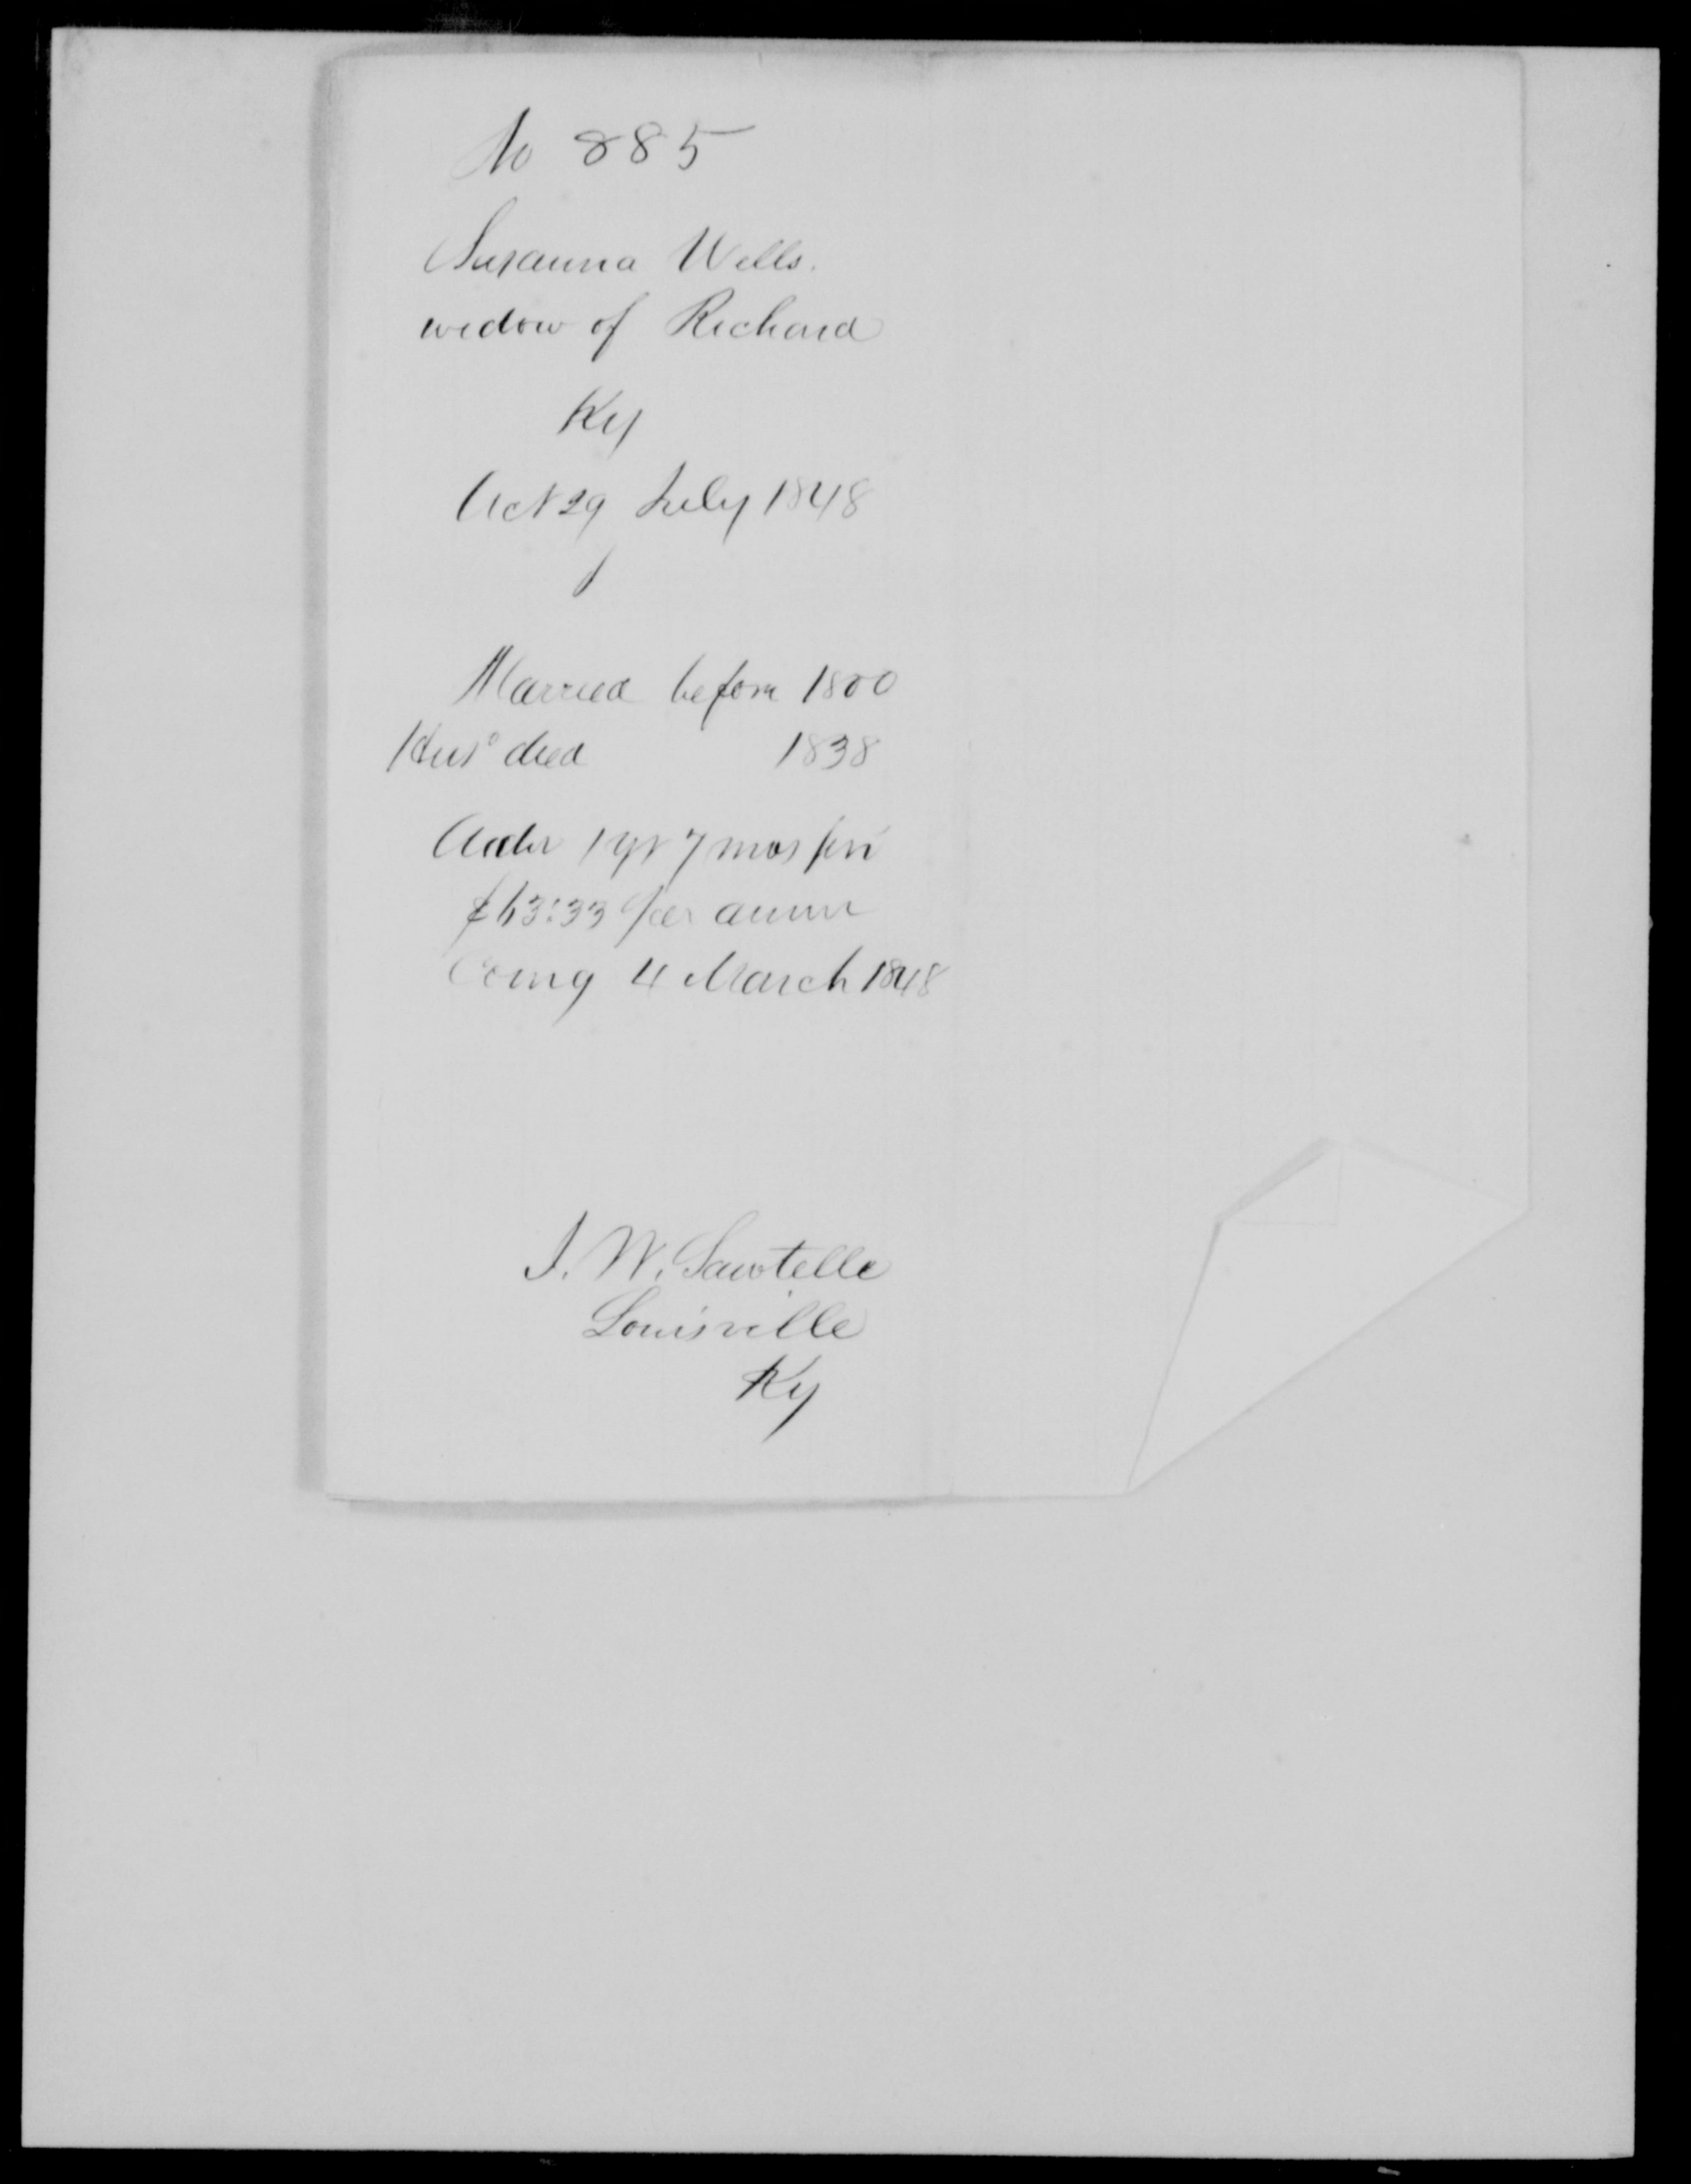No 1885
Susanna Wells
widow of Richard
Ky
Act 29 July 1848
Married before 1800
Hus'd died 1838
[Adm'd] 1 yr 7 mo pri
$63.33 per annum
cmng [commencing] 4 March 1848

J.W. Sawtelle
Louisville
Ky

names: Susanna Wells, J W Sawtelle, Richard Wells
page: 50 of 100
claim: widow's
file: W. 6437, Richard Wells, Ga Va.